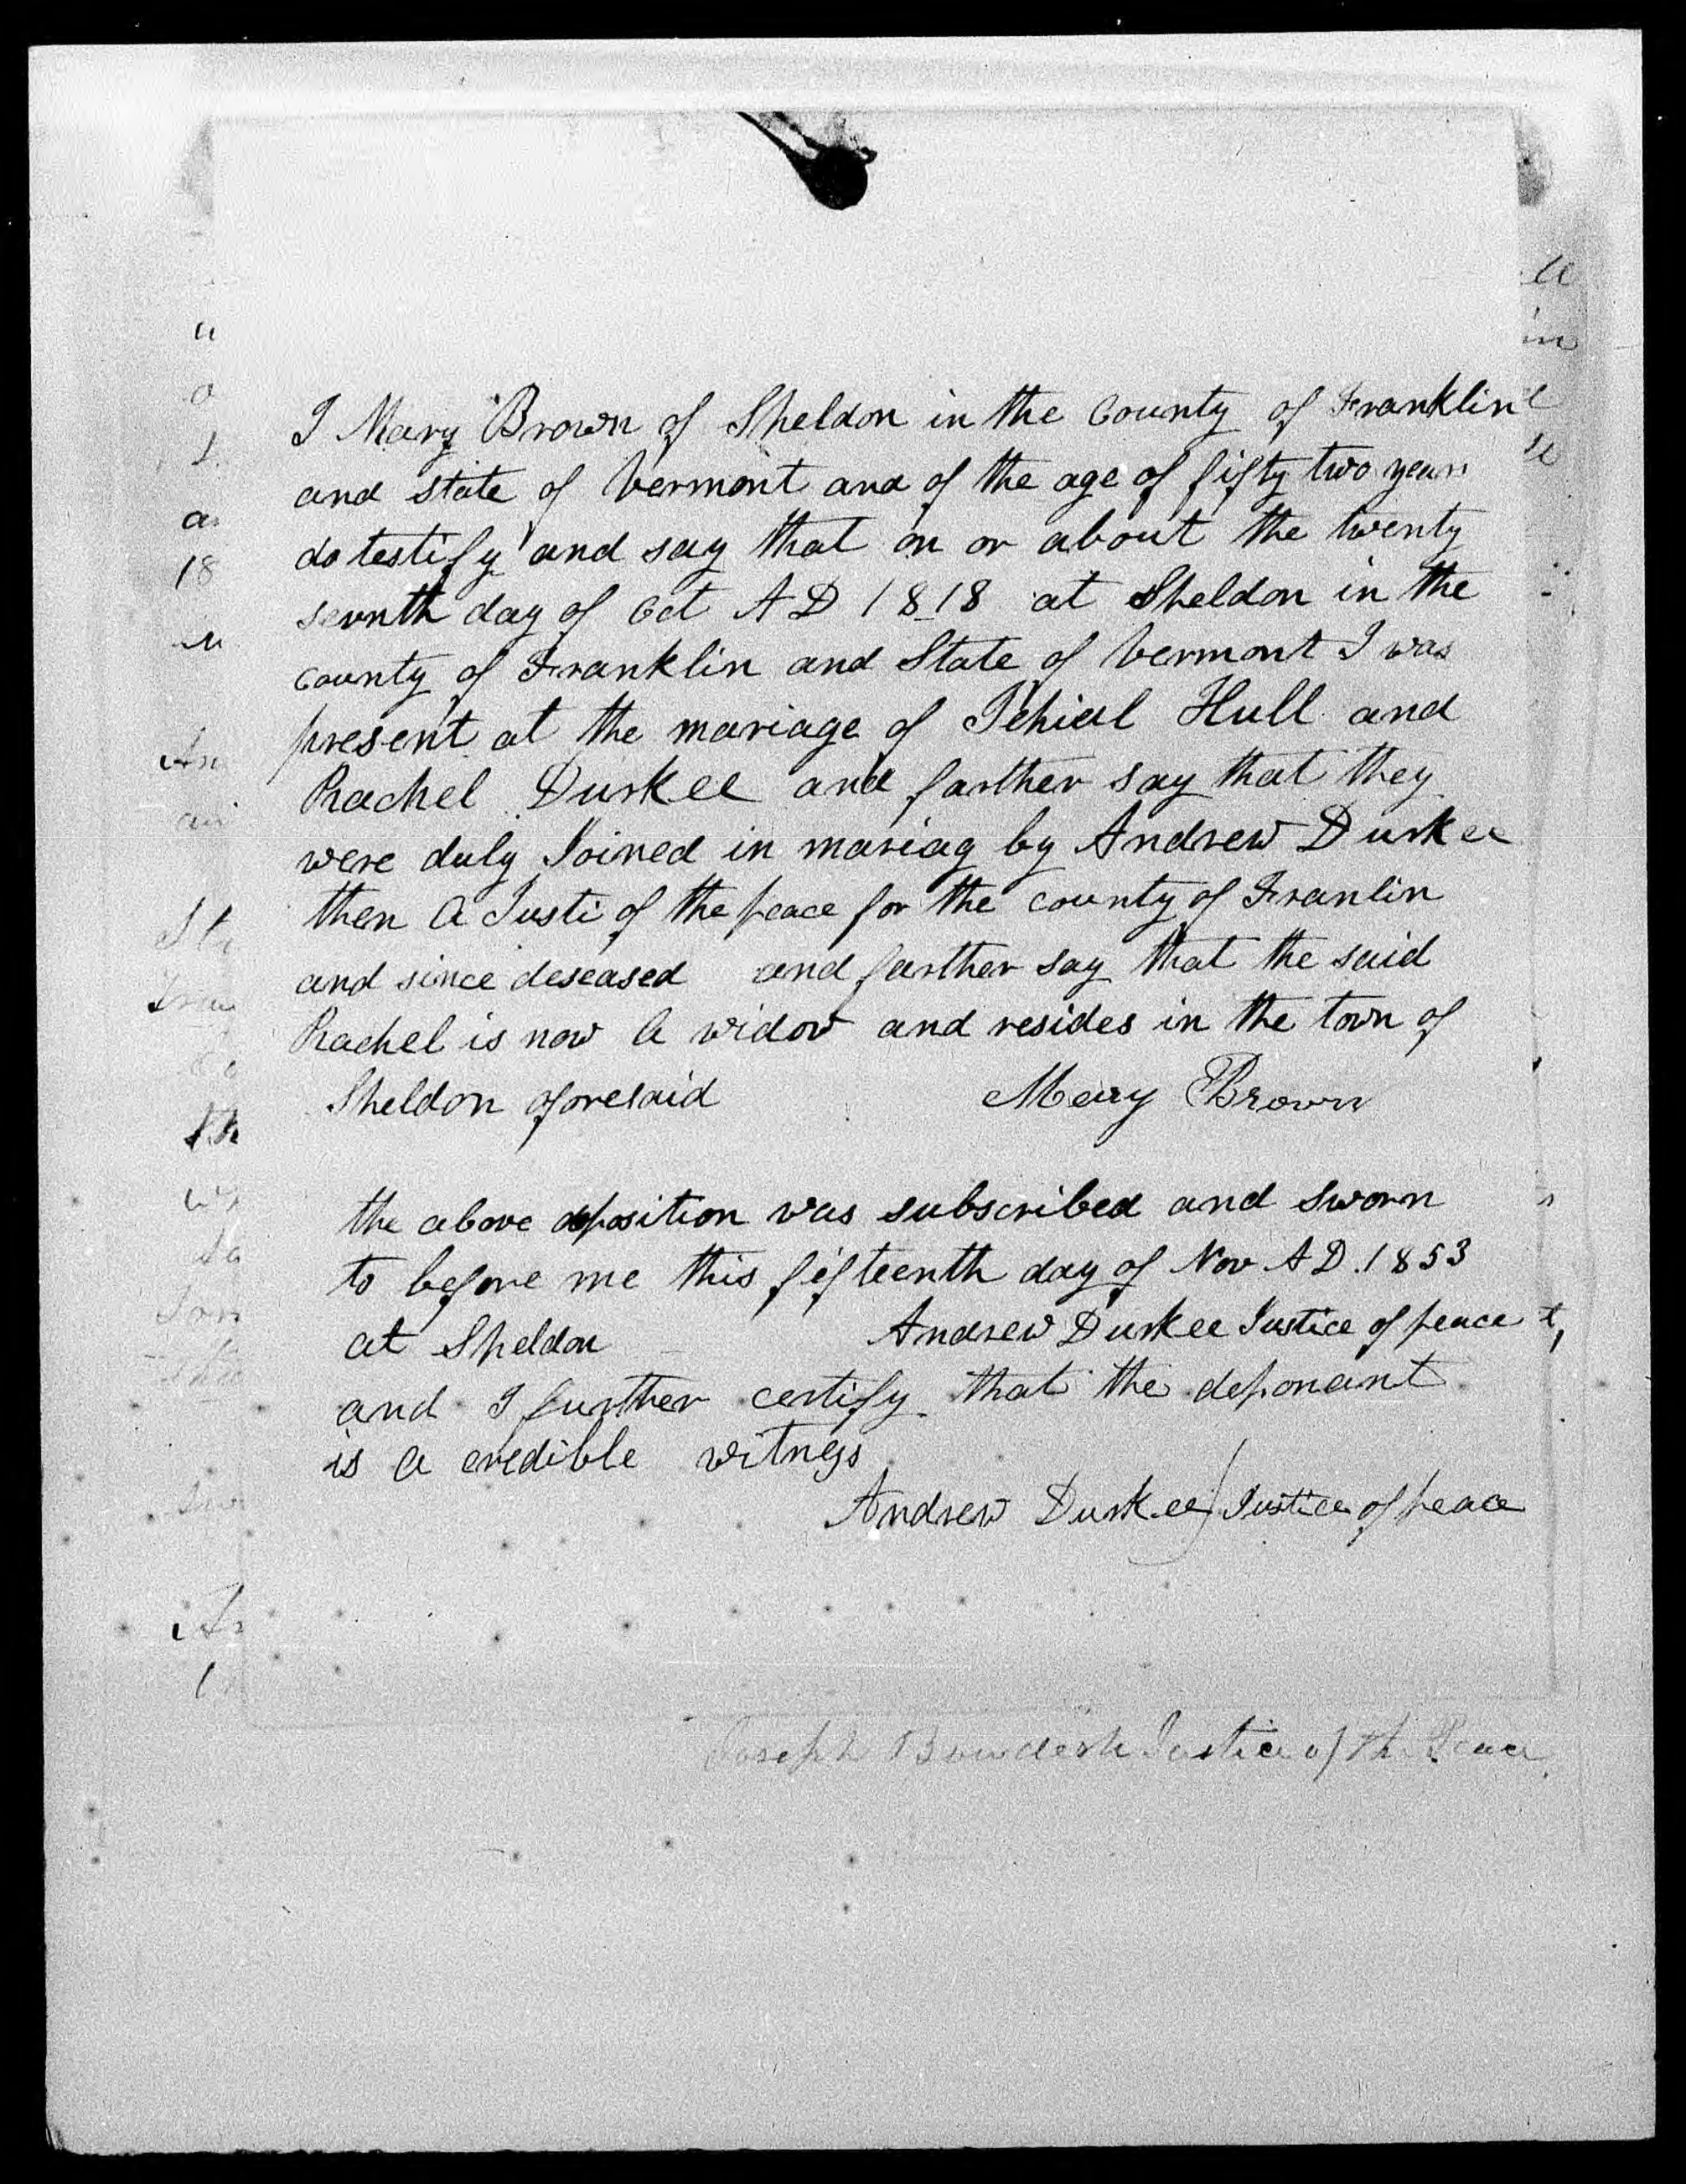I Mary Brown of Sheldon in the County of Franklin and State of Vermont and of the age of fifty two years do testify and say that on or about the twenty seventh day of Oct AD 1818 at Sheldon in the County of Franklin and State of Vermont I was present at the marriage of Jehiel Hull and Rachel Durkee and farther say that they were duly joined mariag by Andrew Durkee then a Justice of the Peace for the county of Franklin and since deceased and further say that the said Rachel is now a widow and resides in the town of Sheldon aforesaid

Mary Brown

The above deposition was subscribed and sworn to before me this fifteenth day of Nov AD 1853 at Sheldon 
Andrew Durkee Justice of Peace
and I further certify that the deponent is a credible witness. 

Andrew Dunkee, Justice of Peace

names: Jehial Hull, Rachel Durkee, Joseph Bowdish, Andrew Durkee, Mary Brown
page: 15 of 58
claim: widow's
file: W. 25813, Jehiel Hull, Conn.